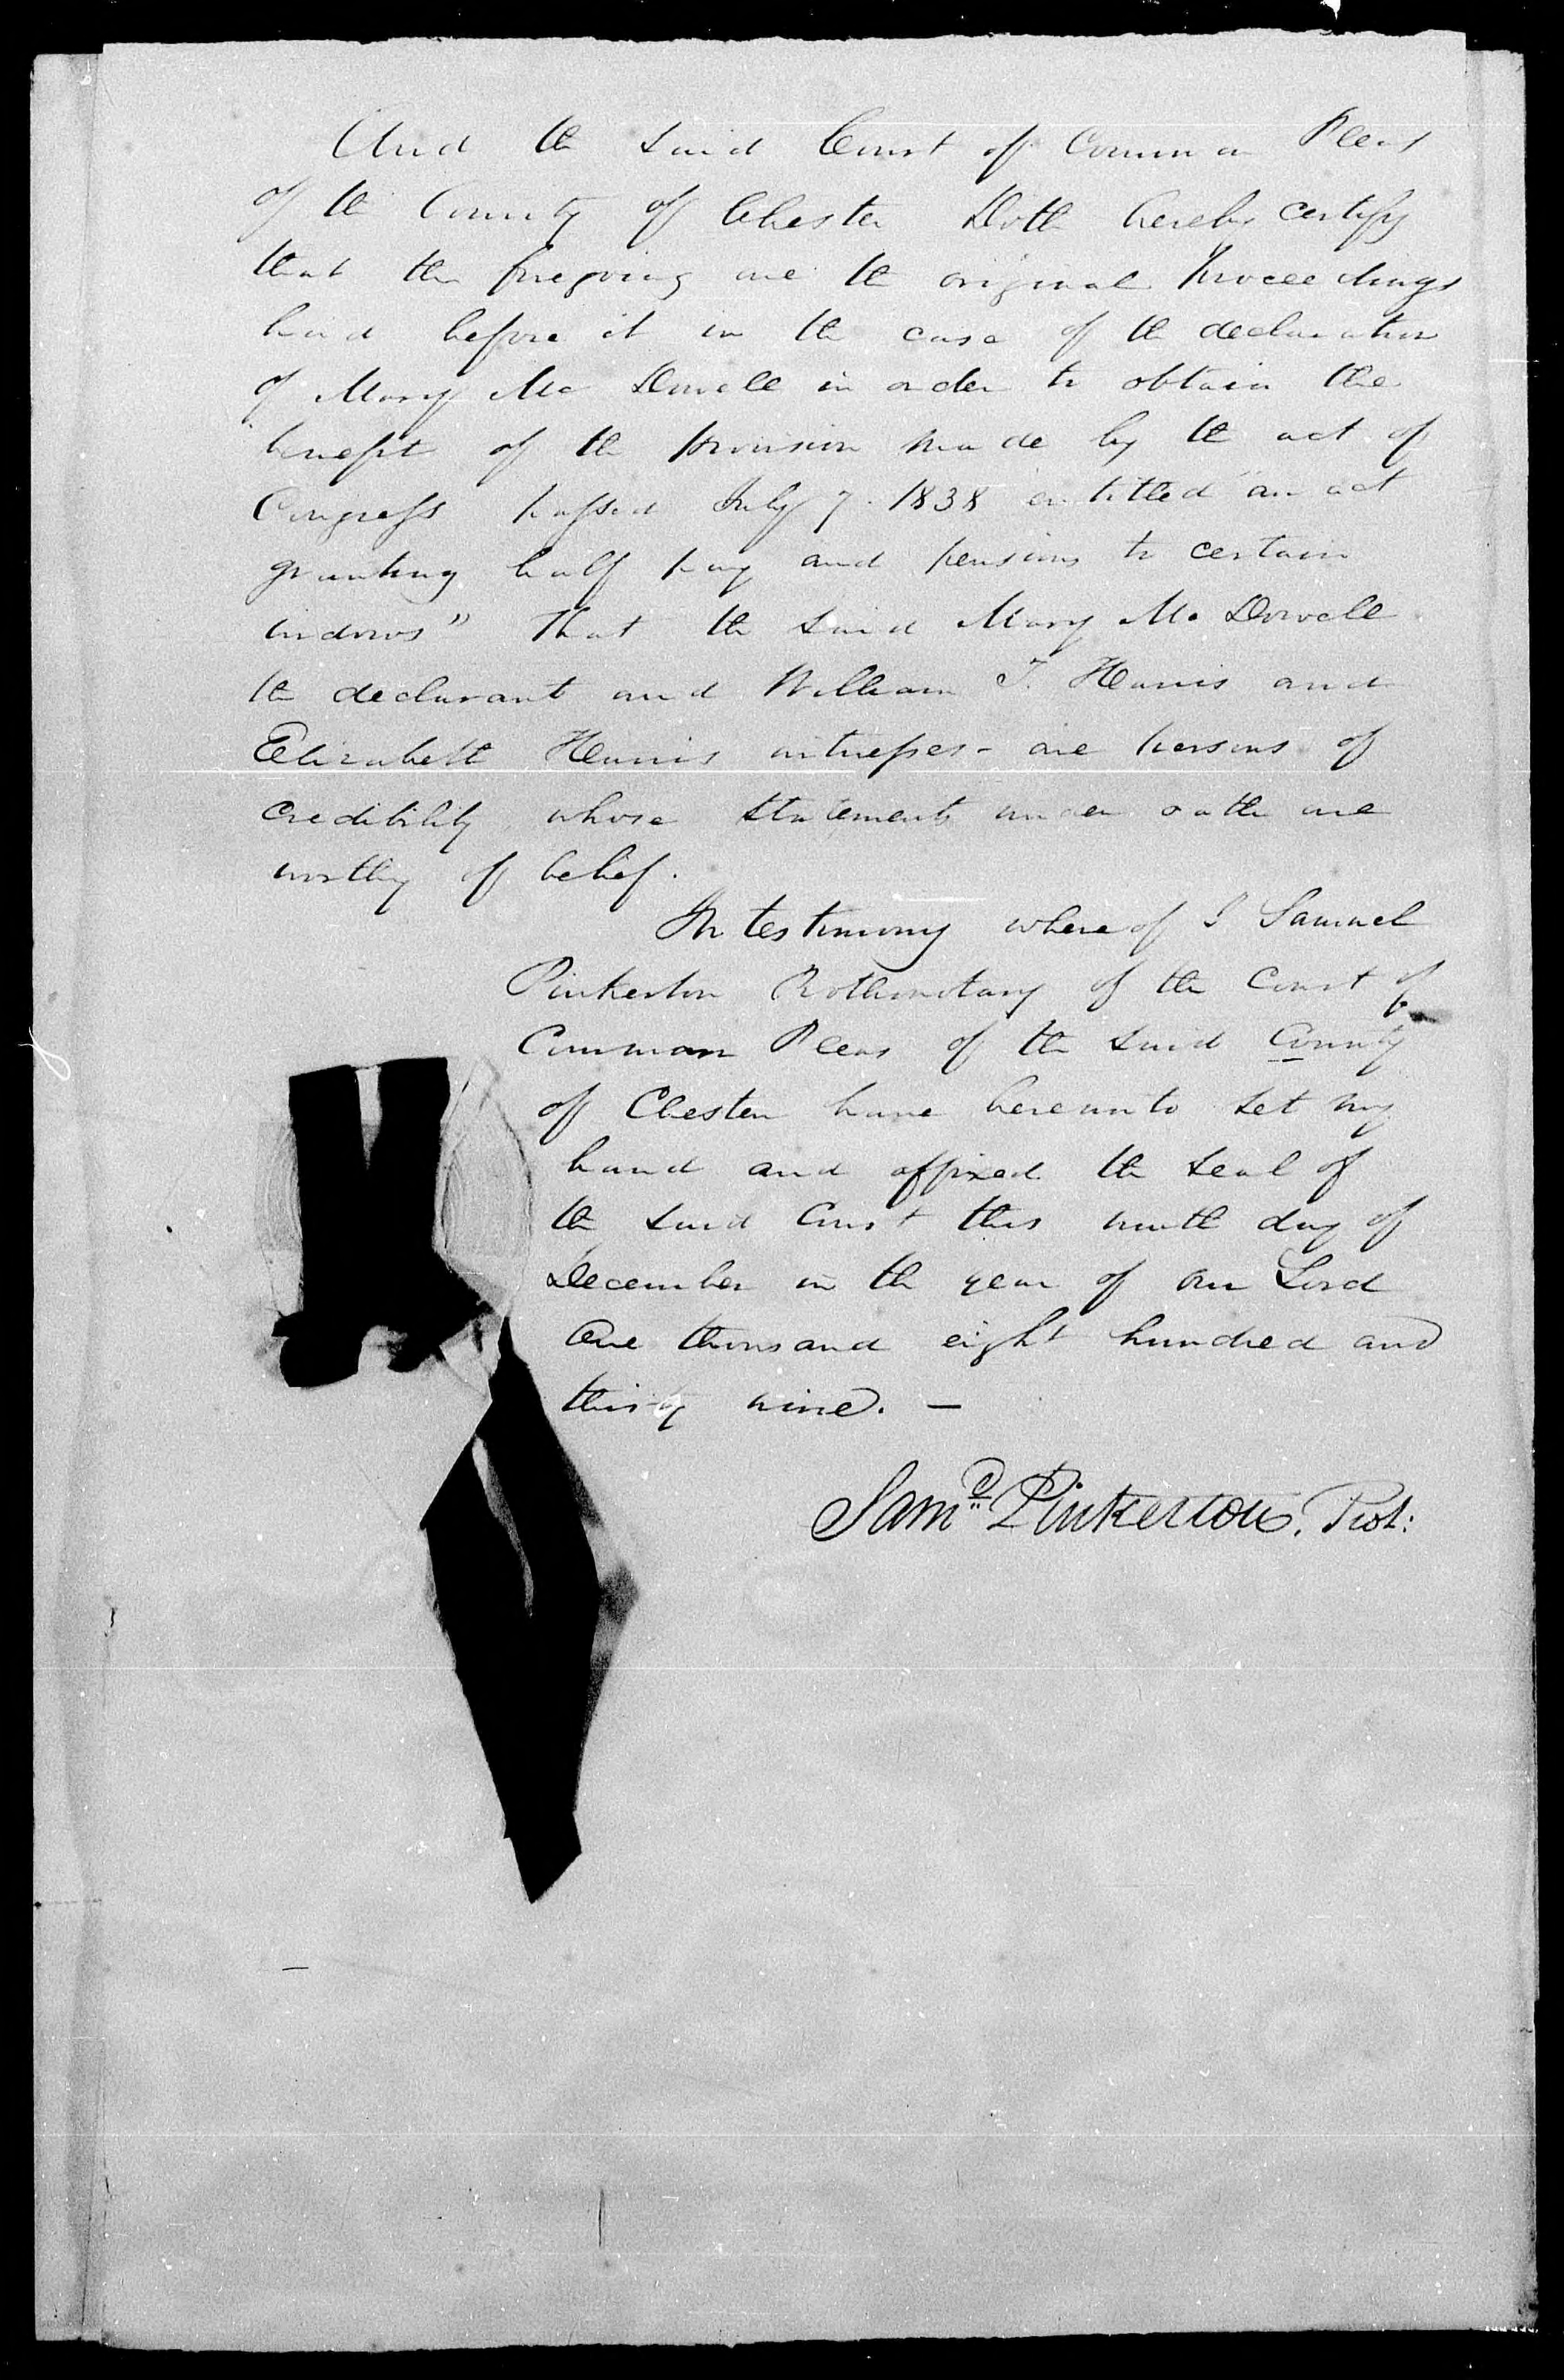And the Said Court of Common Pleas of the County of Chester Doth hereby certify that the foregoing are the original proceedings had before it in the case of the declarations of Mary McDowell in order to obtain the benefit of the provision made by the act of Congress passed July 7. 1838 entitled "an act granting half pay and pensions to certain widows"  That the Said Mary McDowell the declarant and William T. Harris and Elisabeth Harris witnesses - are persons of credibility whose statements under oath are worthy of belief.

   In testimony whereof I Samuel
Pinkerton Prothenotary of the Court of
Common Pleas of the Said County
of Chester have hereunto set my
hand and affixed the Seal of 
the Said Court this ninth day of
December in the year of our Lord
One thousand eight hundred and
thrity nine. -
      Saml Pinkerton, Prot:
[seal affixed]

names: Samuel Pinkerton; Mary Mc Dowell; Elizabeth Harris; William T Harris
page: 10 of 63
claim: widow's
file: W 2957, for Thomas Mc Dowell, Maryland